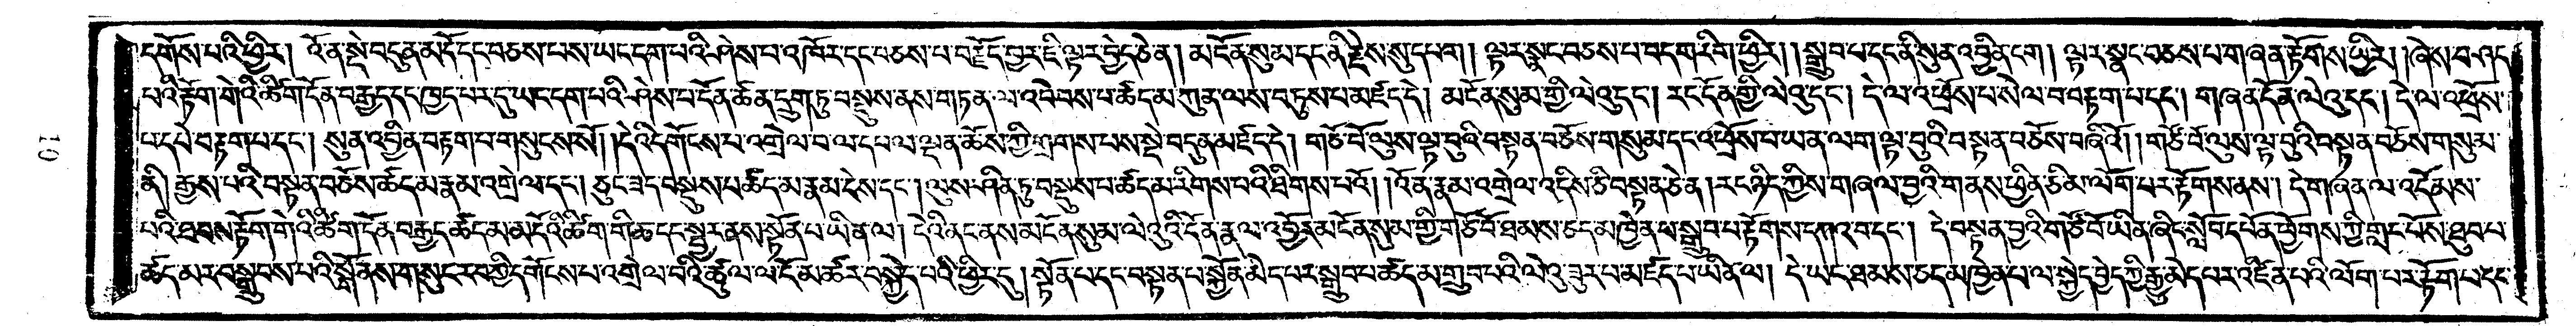དགོས་པའི་ཕྱིར། འོ་ན་སྡེ་བདུན་མདོ་དང་བཅས་པས་ཡང་དག་པའི་ཤེས་པ་འཁོར་དང་བཅས་པ་བརྗོད་བྱར་ཇི་ལྟར་བྱེད་ཅེ་ན། མངོན་སུམ་དང་ནི་རྗེས་སུ་དཔག །ལྟར་སྣང་བཅས་པ་བདག་རིག་ཕྱིར། །སྒྲུབ་པ་དང་ནི་སུན་འབྱིན་དག །ལྟར་སྣང་བཅས་པ་གཞན་རྟོགས་ཕྱིར། །ཞེས་བཤད་
པའི་རྟོག་གེའི་ཚིག་དོན་བརྒྱད་དང་ཁྱད་པར་དུ་ཡང་དག་པའི་ཤེས་པ་དོན་ཚན་དྲུག་ཏུ་བསྡུས་ནས་གཏན་ལ་འབེབས་པ་ཚད་མ་ཀུན་ལས་བཏུས་པ་མཛད་དེ། མངོན་སུམ་གྱི་ལེའུ་དང་། རང་དོན་གྱི་ལེའུ་དང་། དེ་ལ་འཕྲོས་པ་སེལ་བ་བརྟག་པ་དང་། གཞན་དོན་ལེའུ་དང་། དེ་ལ་འཕྲོས་
པ་དཔེ་བརྟག་པ་དང་། སུན་འབྱིན་བརྟག་པ་གསུངས་སོ། །དེའི་དགོངས་པ་འགྲེལ་བ་ལ་དཔལ་ལྡན་ཆོས་ཀྱི་གྲགས་པས་སྡེ་འདུན་མཛད་དེ། གཙོ་བོ་ལུས་ལྟ་བུའི་བསྟན་བཅོས་གསུམ་དང་འཕྲོས་པ་ཡན་ལག་ལྟ་བུའི་བསྟན་བཅོས་བཞིའོ། །གཙོ་བོ་ལུས་ལྟ་བུའི་བསྟན་བཅོས་གསུམ་
ནི༑ རྒྱས་པའི་བསྟན་བཅོས་ཚད་མ་རྣམ་འགྲེལ་དང་། ཅུང་ཟད་བསྡུས་པ་ཚད་མ་རྣམ་ངེས་དང་། ལུས་ཤིན་ཏུ་བསྡུས་པ་ཚད་མ་རིགས་པའི་ཐིགས་པའོ། །འོ་ན་རྣམ་འགྲེལ་འདིས་ཅི་བསྟན་ཅེ་ན། རང་ཉིད་ཀྱིས་གཞལ་བྱའི་གནས་ཕྱིན་ཅི་མ་ལོག་པར་རྟོགས་ནས། དེ་གཞན་ལ་འདོམས་
པའི་ཐབས་རྟོག་གེའི་ཚིག་དོན་བརྒྱད་ཚད་མ་མདོའི་ཚིག་གི་ཆ་དང་སྦྱར་ནས་སྟོན་པ་ཡིན་ལ། དེའི་ནང་ནས་མངོན་སུམ་ལེའུའི་དོན་རྣལ་འབྱོར་མངོན་སུམ་གྱི་གཙོ་བོ་ཐམས་ཅད་མཁྱེན་པ་སྒྲུབ་པ་རྟོགས་དཀའ་བ་དང་། དེ་བསྟན་བྱའི་གཙོ་བོ་ཡིན་ཞིང་སློབ་དཔོན་ཕྱོགས་ཀྱི་གླང་པོས་ཐུབ་པ་
ཚད་མར་བསྒྲུབས་པའི་སྒོ་ནས་གསུང་རབ་ཀྱི་དགོངས་པ་འགྲེལ་པའི་ཚུལ་ལ་ངོ་མཚར་བསྐྱེད་པའི་ཕྱིར་དུ། སྟོན་པ་དང་བསྟན་པ་སྐྱོན་མེད་པར་སྒྲུབ་པ་ཚད་མ་གྲུབ་པའི་ལེའུ་ཟུར་བ་མཛད་པ་ཡིན་ལ། དེ་ཡང་ཐམས་ཅད་མཁྱེན་པ་ལ་སྐྱེད་བྱེད་ཀྱི་རྒྱུ་མེད་པར་འཛིན་པའི་ལོག་པར་རྟོག་པ་དང་